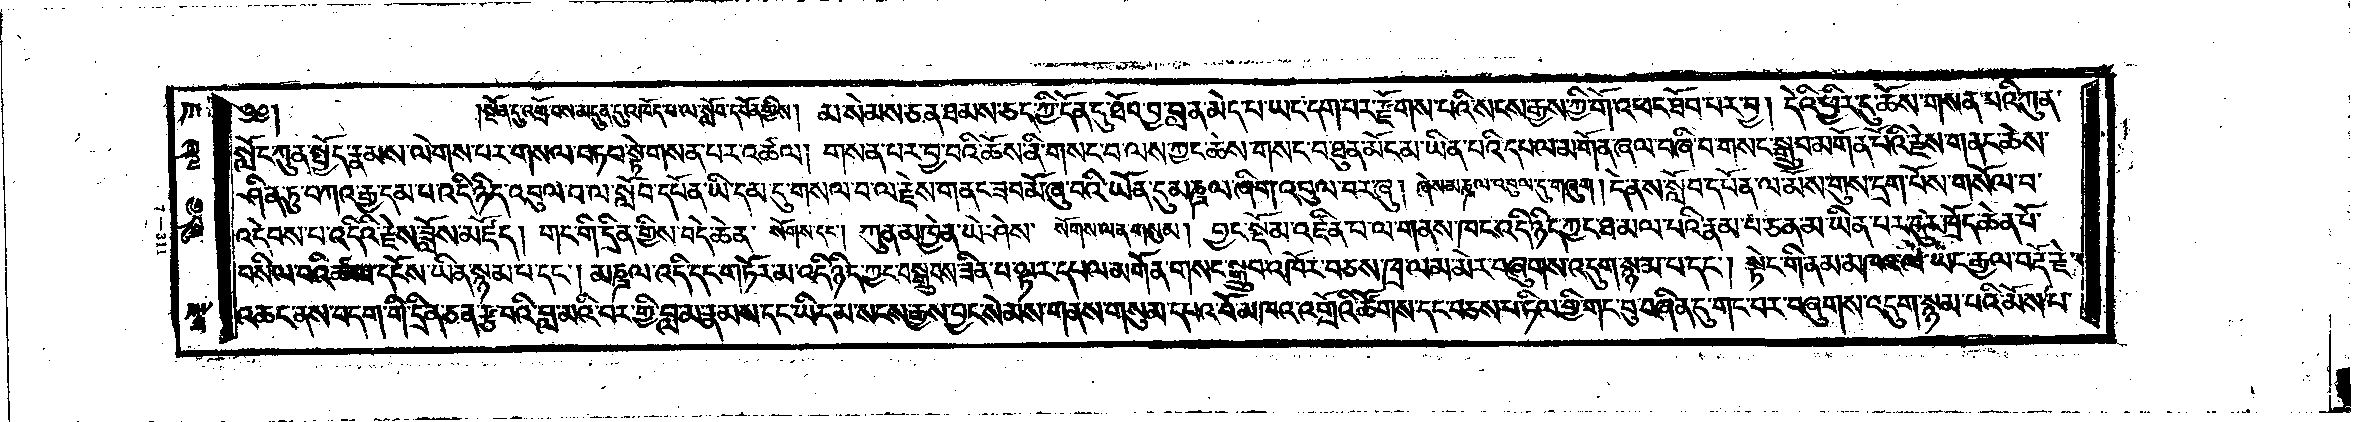༄༅། །སྔོན་དུ་འགྲོ་བས་མདུན་དུ་འཁོད་པ་ལ་སློབ་དཔོན་གྱིས།  མ་སེམས་ཅན་ཐམས་ཅད་ཀྱི་དོན་དུ་ཐོབ་བྱ་བླ་ན་མེད་པ་ཡང་དག་པར་རྫོགས་པའི་སངས་རྒྱས་ཀྱི་གོ་འཕང་ཐོབ་པར་བྱ། དེའི་ཕྱིར་དུ་ཆོས་གསན་པའི་ཀུན་
སློང་ཀུན་སྤྱོད་རྣམས་ལེགས་པར་གསལ་བཏབ་སྟེ་གསན་བར་འཚལ། གསན་པར་བྱ་བའི་ཆོས་ནི་གསང་བ་ལས་ཀྱང་ཆེས་གསང་བ་ཐུན་མོང་མ་ཡིན་པའི་དཔལ་མགོན་ཞལ་བཞི་བ་གསང་སྒྲུབ་མགོན་པོའི་རྗེས་གནང་ཆེས་
ཤིན་ཏུ་བཀའ་རྒྱ་དམ་པ་འདི་ཉིད་འབུལ་བ་ལ་སློབ་དཔོན་ཡི་དམ་དུ་གསལ་བ་ལ་རྗེས་གནང་ཟབ་མོ་ཞུ་བའི་ཡོན་དུ་མཎྜལ་ཞིག་འབུལ་བར་ཞུ། ཞེས་མཎྜལ་འབུལ་དུ་གཞུག་།དེ་ནས་སློབ་དཔོན་ལ་མོས་གུས་དྲག་པོས་གསོལ་བ་
འདེབས་པ་འདིའི་རྗེས་ཟློས་མཛོད། གང་གི་དྲིན་གྱིས་བདེ་ཆེན་སོགས་དང་། ཀུན་མཁྱེན་ཡེ་ཤེས་སོགས་ལན་གསུམ། བྱང་སྡོམ་འཛིན་པ་ལ་གནས་ཁང་འདི་ཉིད་ཀྱང་ཐ་མལ་པའི་རྣམ་པ་ཅན་མ་ཡིན་པར་དུར་ཁྲོད་ཆེན་པོ་
བསིལ་བའི་ཚལ་དངོས་ཡིན་སྙམ་པ་དང་། མཎྜལ་འདི་དང་གཏོར་མ་འདི་ཉིད་ཀྱང་བསྒྲུབས་ཟིན་པ་ལྟར་དཔལ་མགོན་གསང་སྒྲུབ་འཁོར་བཅས་ཁྲ་ལམ་མེར་བཞུགས་འདུག་སྙམ་བ་དང་། སྟེང་གི་ནམ་མཁའ་ལ་ཡང་རྒྱལ་བ་རྡོ་རྗེ་
འཆང་ནས་བདག་གི་དྲིན་ཅན་རྩ་བའི་བླ་མའི་བར་གྱི་བླ་མ་རྣམས་དང་ཡི་དམ་སངས་རྒྱས་བྱང་སེམས་གནས་གསུམ་དཔའ་བོ་མཁའ་འགྲོའི་ཚོགས་དང་བཅས་པ་ཏིལ་གྱི་གང་བུ་བཞིན་དུ་གང་བར་བཞུགས་འདུག་སྙམ་པའི་མོས་པ་